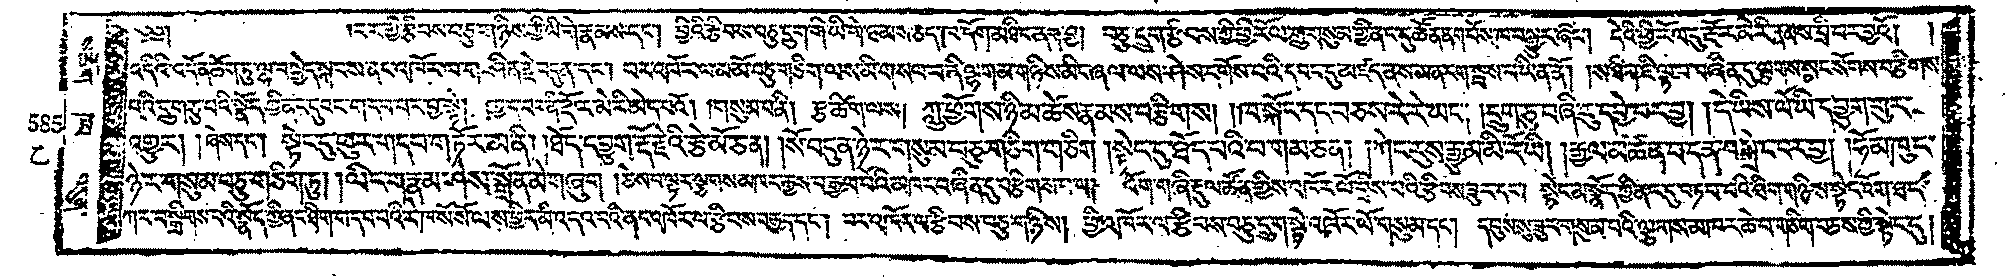༄༅། །བར་གྱི་རྩིབས་བཅུ་གཉིས་ཀྱི་ཡི་གེ་རྣམས་དང་། ཕྱིའི་རྩིབས་བཅུ་དྲུག་གི་ཡི་གེ་ཐམས་ཅད་ཁ་དོག་མཐིང་ནག་བྱ། བཅུ་དྲུག་རྩིབས་ཀྱི་ཕྱི་རོལ་གྲུ་གསུམ་གྱི་ནང་དུ་ཚོན་ནག་པོས་ཁ་བསྒྱུར་ཞིང་། དེའི་ཕྱི་རོལ་དུ་རྡོ་ར་མི་རི་རྣམས་བྲི་བར་བྱའོ། །
འདིའི་འདོན་ཆོག་ཏུ་ལྷ་བསྐྱེད་སྐབས་ནང་འཁོར་ལ་གཤིན་རྗེ་བདུན་དང་། བར་འཁོར་ལ་མ་མོ་བཅུ་གཅིག་ལས་མི་གསལ་བ་ནི་ལྷག་མ་གཉིས་མིང་ཞལ་ལས་ཤེས་དགོས་པའི་དབང་དུ་མཛད་ནས་མན་ངག་སྦས་པ་ཡིན་ནོ། །ས་ཐིག་ཇི་ལྟ་བ་བཞིན་དུ་ལྕགས་སང྾་སོགས་བརྩིགས་
པའི་དྲུག་ཅུ་པའི་སྣོད་ཀྱི་ནང་དུའང་གདབ་པར་བྱ་སྟེ། ཁྱད་པར་ནི་རྡོར་མེ་རི་མེད་པའོ། །གསུམ་པ་ནི། །རྩ་ཚིག་ལས། ཀླུ་ཕྱོགས་ཉི་མ་ཚེས་རྣམས་བརྩིགས། །ཁ་སྐོང་དང་བཅས་རེ་རེ་ཡང་། །དྲུག་ཅུ་བཞི་རུ་དབྱེ་བར་བྱ། །དེ་ཡིས་ལོ་ཡི་དབྱུག་གུར་
འགྱུར། །ཞེས་དང་།  སྟེང་དུ་ཕུར་གདབ་གཏོར་མ་ནི། །ཐོད་དབྱུག་རྡོ་རྗེའི་རྩེ་མོ་ཅན། །སོ་བདུན་ཉེར་གསུམ་བཅུ་གཅིག་གཅིག །སྟེང་དུ་ཐོད་པའི་བ་གམ་ཅན། །ཀེང་རུས་རྒྱུ་མ་མི་རོ་ཡི། །རྒྱལ་མཚན་བ་དང་བསྒྲེང་བར་བྱ། །ཧོ་མ་ཁུང་
ཉེར་གསུམ་བཅུ་གཅིག་ཏུ། །ལིང་ག་རྣམ་ཤེས་སྒྲོན་མེ་གཞུག །ཅེས་པ་ལྟར་ལྕགས་མཁར་རྒྱས་པ་རྒྱལ་པོའི་མཁར་བཞིན་དུ་བརྩིགས་པ་ལ། འོག་གཞི་རྡུལ་ཚོན་གྱིས་འཁོར་ལོ་བྲིས་པའི་རྩིབས་ཟུར་དང་། སྟེང་མ་སྣོད་ཀྱི་ནང་དུ་བཏབ་པའི་ཐིག་གཉིས་སྟེང་འོག་ཐད་
ཀར་བསྒྲིགས་པའི་སྣོད་ཀྱི་ནང་ཐིག་གདབ་པའི་རེ་ཁ་སོ་སོ་ལས་ཕྱིར་མི་འདའ་བའི་ནང་འཁོར་ལ་རྩིབས་བརྒྱད་དང་། པར་འཁོར་ལ་རྩིབས་བཅུ་གཉིས། ཕྱི་འཁོར་ལ་རྩིབས་བཅུ་དྲུག་སྟེ་འཁོར་ལོ་གསུམ་དང་། དབུས་སུ་ཟུར་གསུམ་པའི་ལྕགས་མཁར་ཆེ་བ་གཅིག་བཅས་ཀྱི་སྟེང་དུ།